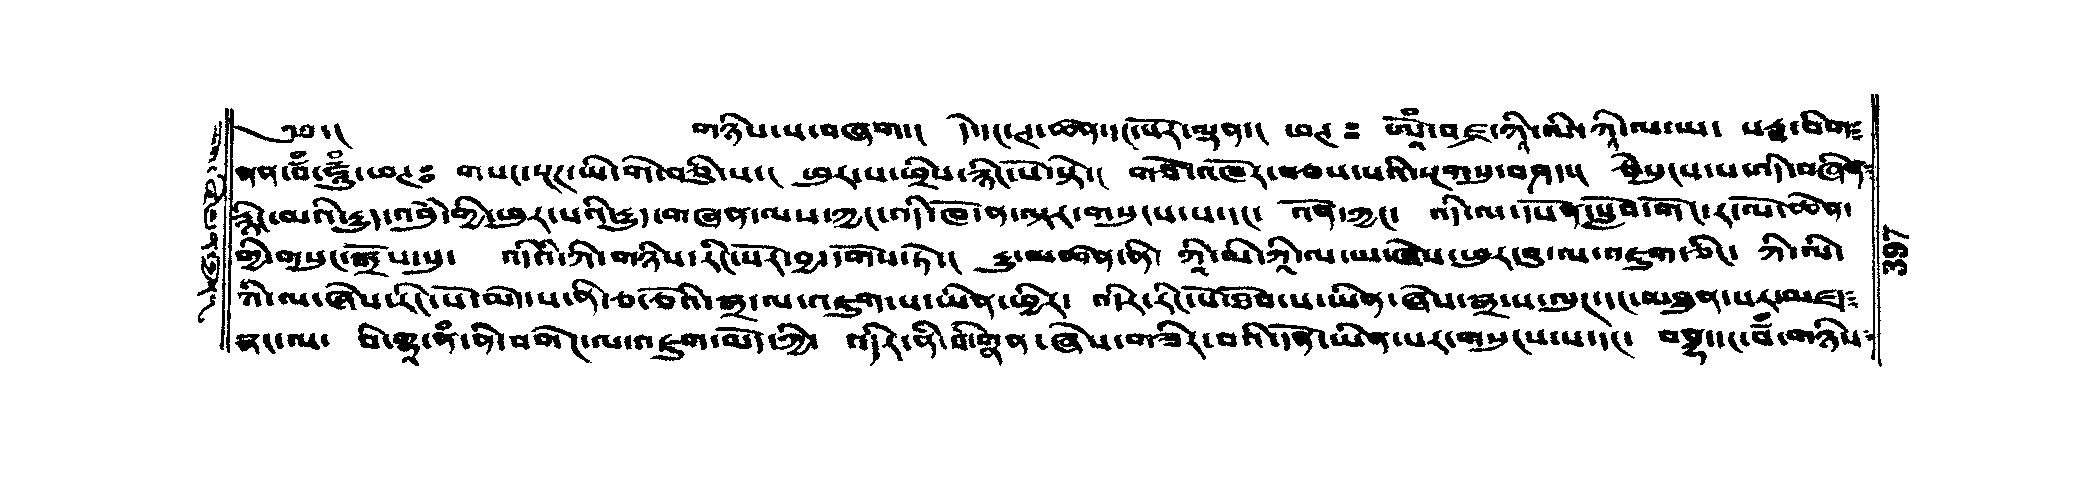གཉིས་པ་བཞག་།དེ་དང་ཊ་ཚན་དང་པོར་ལྡན། །ཕཊཿ ཨཱོྂ་བཛྲ་ཀཱི་ལི་ཀཱི་ལ་ཡ། སརྦ་བིག་
ནན་བྂ་ཧཱུྂ་ཕཊཿ གསང་སྔགས་ཡི་གེ་བཅུ་གཅིག་པ། །ཕུར་པ་ཕྲིན་ལས་་སྙིང་པོ་སྟེ། །གཙོ་འཁོར་བཅས་པའི་སྔགས་སུ་བཤད། །ཅེས་གསུངས་པ་འདི་བཞིན་
རྙིང་མའི་རྒྱུད་འབུམ་གྱི་ཕུར་བའི་རྒྱུད་གཞན་ལས་འདི་ཁོ་ན་ལྟར་གསུངས་པ་དང་། འོན་ཀྱང་འདི་ལ་དཔོན་སློབ་གོང་ར་ལོ་ཆེན་
གྱི་གསུངས་སྒྲོས་སུ། འདིའི་ཀི་གཉིས་རིང་པོར་བྱ་དགོས་ཏེ། རྒྱུ་མཚན་ནི། ཀཱི་ལི་ཀཱི་ལི་ཡ་ཞེས་ཕུར་བུ་ལ་འཇུག་ཅིང་། ཀཱི་ལི་
ཀཱི་ལ་ཡ་ཞེས་རིང་པོ་མེད་པ་ནི་ཅ་ཅོའི་སྒྲ་ལ་འཇུག་པ་ཡིན་ཕྱིར། འདིར་རིང་པོ་ཐོབ་པ་ཡིན་ཞེས་སྒྲ་པ་ལུགས་དང་མཐུན་པར་མཛད་
པར་སྣང་ལ། བི་གྷཱ་ནཾ་ནི་བགེགས་ལ་འཇུག་མོད་ཀྱི། འདིར་ནི་བི་བིགྣན་ཞེས་གཟིར་བའི་དོན་ཡིན་པར་གསུངས་པ་དང་།བནྡྷ་དང་བཾ་གཉིས་